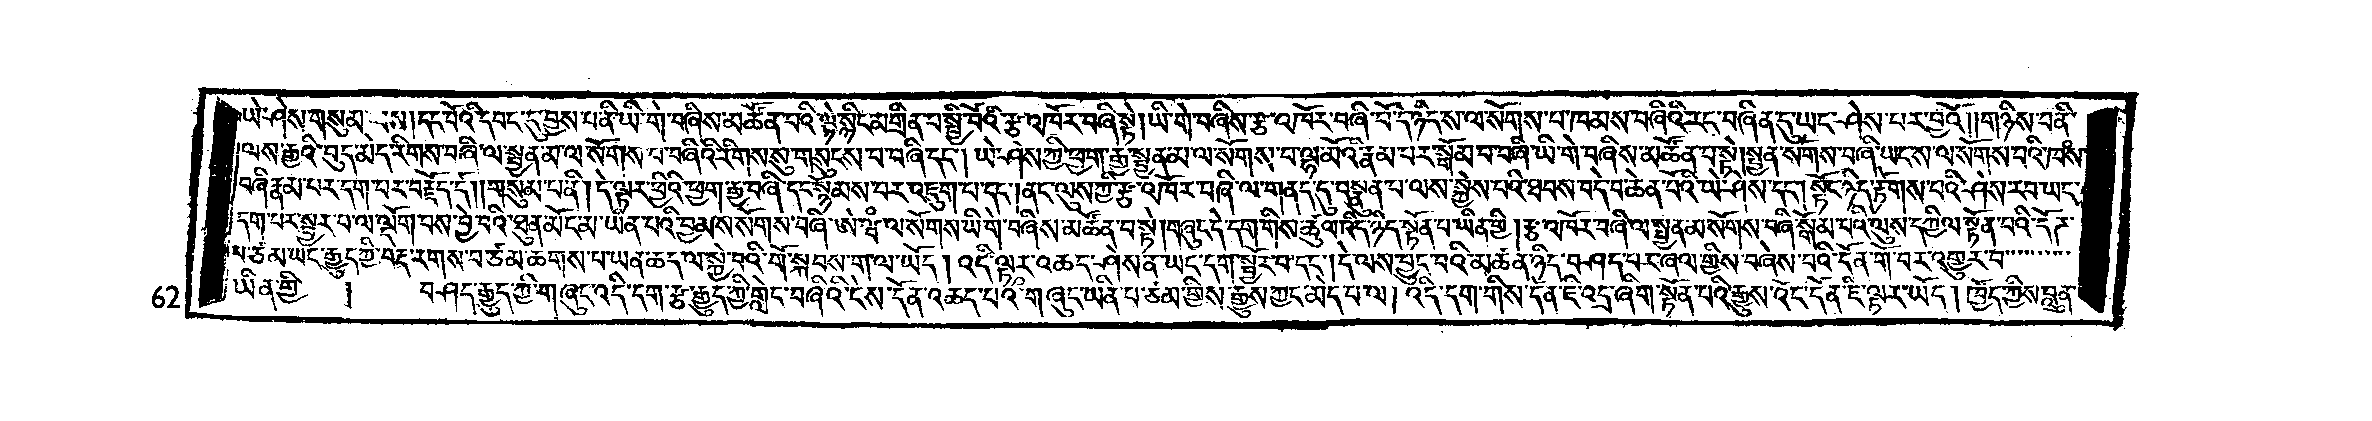ཡེ་ཤེས་གསུམ་ལས། དང་པོའི་དབང་དུ་བྱས་པ་ནི་ཡི་གེ་བཞིས་མཚོན་པའི་ལྟེ་སྙིང་མགྲིན་པ་སྤྱི་བོའི་རྩ་འཁོར་བཞི་སྟེ། ཡི་གེ་བཞིས་རྩ་འཁོར་བཞི་པོ་དེ་ཉིད་ས་ལ་སོགས་པ་ཁམས་བཞིའི་རང་བཞིན་དུ་ཡང་ཤེས་པར་བྱའོ། །གཉིས་པ་ནི་
ལས་རྒྱའི་བུད་མེད་རིགས་བཞི་ལ་སྤྱན་མ་ལ་སོགས་པ་བཞིའི་རིགས་སུ་གསུངས་པ་བཞི་དང་། ཡེ་ཤེས་ཀྱི་ཕྱག་རྒྱ་སྤྱན་མ་ལ་སོགས་པ་ལྷ་མོའི་རྣམ་པར་སྒོམ་པ་བཞི་ཡི་གེ་བཞིས་མཚོན་པ་སྟེ། སྤྱན་སོགས་བཞི་ཡང་ས་ལ་སོགས་པའི་ཁམས་
བཞི་རྣམ་པར་དག་པར་བརྗོད་དོ། །གསུམ་པ་ནི། དེ་ལྟར་ཕྱིའི་ཕྱག་རྒྱ་བཞི་དང་སྙོམས་པར་འཇུག་པ་དང་། ནང་ལུས་ཀྱི་རྩ་འཁོར་བཞི་ལ་གནད་དུ་བསྣུན་པ་ལས་སྐྱེས་པའི་ཐབས་བདེ་བ་ཆེན་པོའི་ཡེ་ཤེས་དང་། སྟོང་ཉིད་རྟོགས་པའི་ཤེས་རབ་ཡང་
དག་པར་སྦྱར་བ་ལ་ལྡོག་པས་བྱེ་བའི་ཐུན་མོང་མ་ཡིན་པའི་བྱམས་སོགས་བཞི་ཨེ་ཝཾ་ལ་སོགས་ཡི་གེ་བཞིས་མཚོན་པ་སྟེ། གཞུང་དེ་དག་གིས་ཚུལ་འདི་ཉིད་སྟོན་པ་ཡིན་གྱི། རྩ་འཁོར་བཞི་ལ་སྤྱན་མ་སོགས་བཞི་སྒོམ་པའི་ལུས་དཀྱིལ་སྟོན་པའི་དོགས་
པ་ཙམ་ཡང་རྒྱུད་ཀྱི་བརྡ་རགས་པ་ཙམ་ཆགས་པ་ཡན་ཆད་ལ་སྐྱེ་བའི་གོ་སྐབས་ག་ལ་ཡོད། འདི་ལྟར་འཆད་ཤེས་ན་ཡང་དག་སྦྱོར་བ་དང་། དེ་ལས་བྱུང་བའི་མཚན་ཉིད་བཤད་པར་ཞལ་གྱིས་བཞེས་པའི་དོན་གོ་བར་འགྱུར་བ་
ཡིན་གྱི། བཤད་རྒྱུད་ཀྱི་གཞུང་འདི་དག་རྩ་རྒྱུད་ཀྱི་གླེང་བཞིའི་ངེས་དོན་འཆད་པའི་གཞུང་ཡིན་པ་ཙམ་གྱིས་རྒྱུས་ཀྱང་པྨེད་པ་ལ། འདི་དག་གིས་དོན་ཇི་འདྲ་ཞིག་སྟོན་པའི་རྒྱུས་འོང་དོན་ཇི་ལྟར་ཡོད། ཁྱོད་ཀྱིས་བླུན་